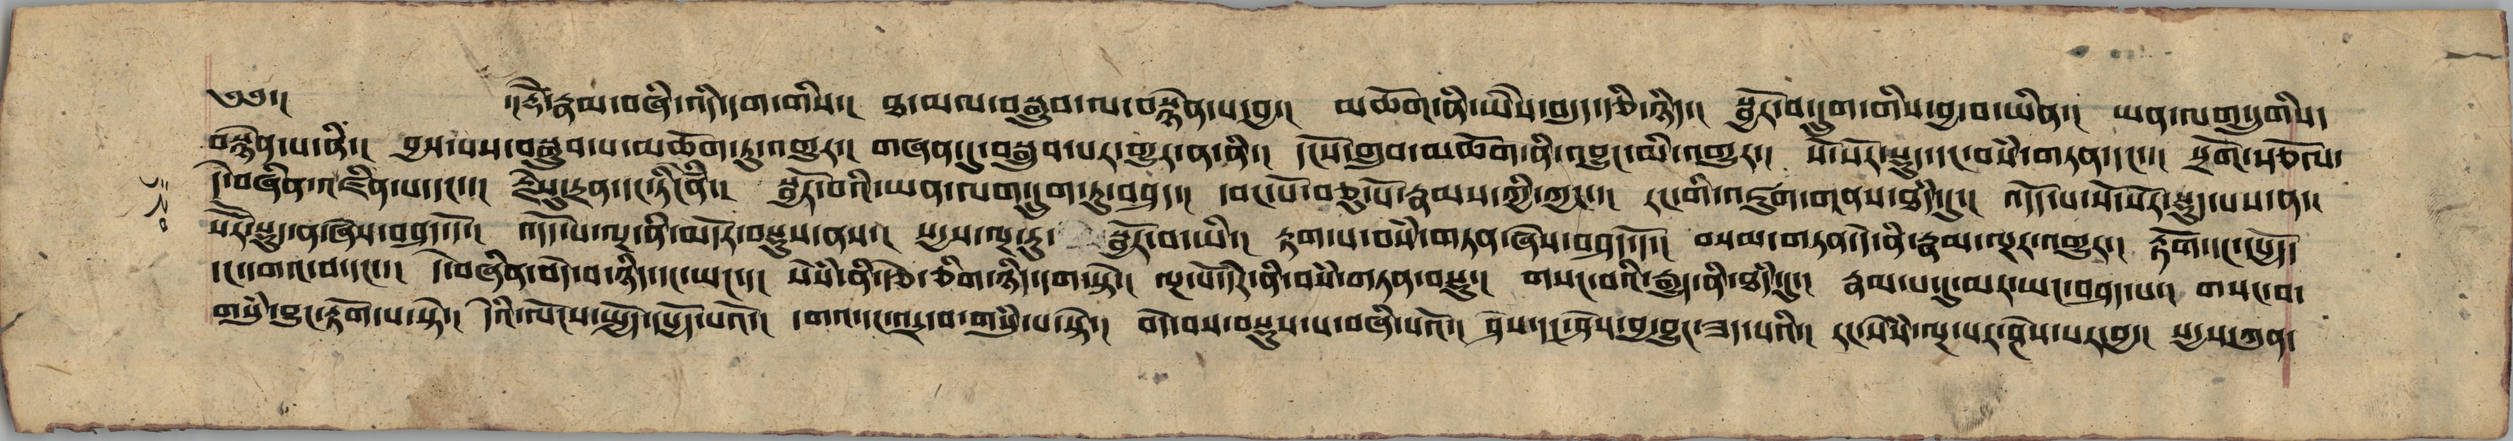༄༅་། ་།རྡོེ་རྣམ་བཞི་འདི་དག་གིས་། ཐ་མལ་བསྒྲུབ་ལ་བསྙེན་པ་བྱ་། མཆོག་ནི་ཡཻས་བདུད་རྩི་ཉིད་། སྦྱོར་བ་དྲུག་གིས་བྱ་བ་ཡིན་། ཡན་ལག་དྲུགིས་
བསྙེན་པ་ནི་། བྱས་པས་བསྒྲུབ་པ་མཆོག་ཏུ་འགྱུར་། གཞན་དུ་བསྒྲུབ་པར་གྱུར་ན་ནི་། དངོས་གྲུབ་མཆོག་ནི་འབྱུང་མི་འགྱུར་། སོ་སོར་སྡུད་དང་བསཾ་གཏན་དང་། སྲོག་སྩོལ་
དེ་བཞིན་འཛིན་པ་དང་་། རྗེསུ་དྲན་དང་ཏིངེཛིན་། སྦྱོར་བའི་ཡན་ལག་དྲུག་ཏུ་བཤད་། དབང་པོ་བཅུ་པོ་རྣམས་ཀྱི་ཀྱང་་། རང་གི་འཇུག་གནས་ཐཾད་དུ་། འདོད་པ་སོ་སོར་སྡུད་པས་ན་།
སོར་སྡུད་ན་ཞེས་བཤད་དོ་། འདོད་པ་ལྔ་ནི་མདོར་བསྡུས་ནས་། སདྱས་ལྔ་རུ་ སྦྱོར་བ་ཡི་། རྟག་པ་བསཾ་གཏན་ཞེས་བཤད་དོ་། བསམ་བཏན་དེ་ནི་རྣམ་ལྔར་འགྱུར་། རྟོག་དང་དཔྱོད་
དང་དགའ་བ་དང་་། དེ་བཞིན་བདེ་བ་ཉིད་དང་ཡང་་། སེཾས་ནི་རྩེ་ཅིག་ཉིད་དག་སྟེ་། ལྔ་པོ་དེར་ནི་བསཾ་གཏན་བསྡུ་། གསང་བའི་རྒྱུད་ནི་ཐཾད་དུ་། རྣམ་པ་དུ་མར་ཡང་བཤད་པ་། གསང་བ་
གསུཾ་བྱུང་རྟོག་པ་སྟེ་། དེའི་ལོངས་སྤྱོད་དཔྱོད་པའོ་། དགའ་དང་འདྲ་བ་གསུཾ་པ་སྟེ་། བདེ་བས་བསྡུས་པ་བཞི་པའོ་། ཤེས་དང་ཤེས་བྱ་བྱུང་ཟད་པའི་། རང་སེསཾ་ལྔ་པར་ཤེས་པར་བྱ་། སདྱས་ཀུན་